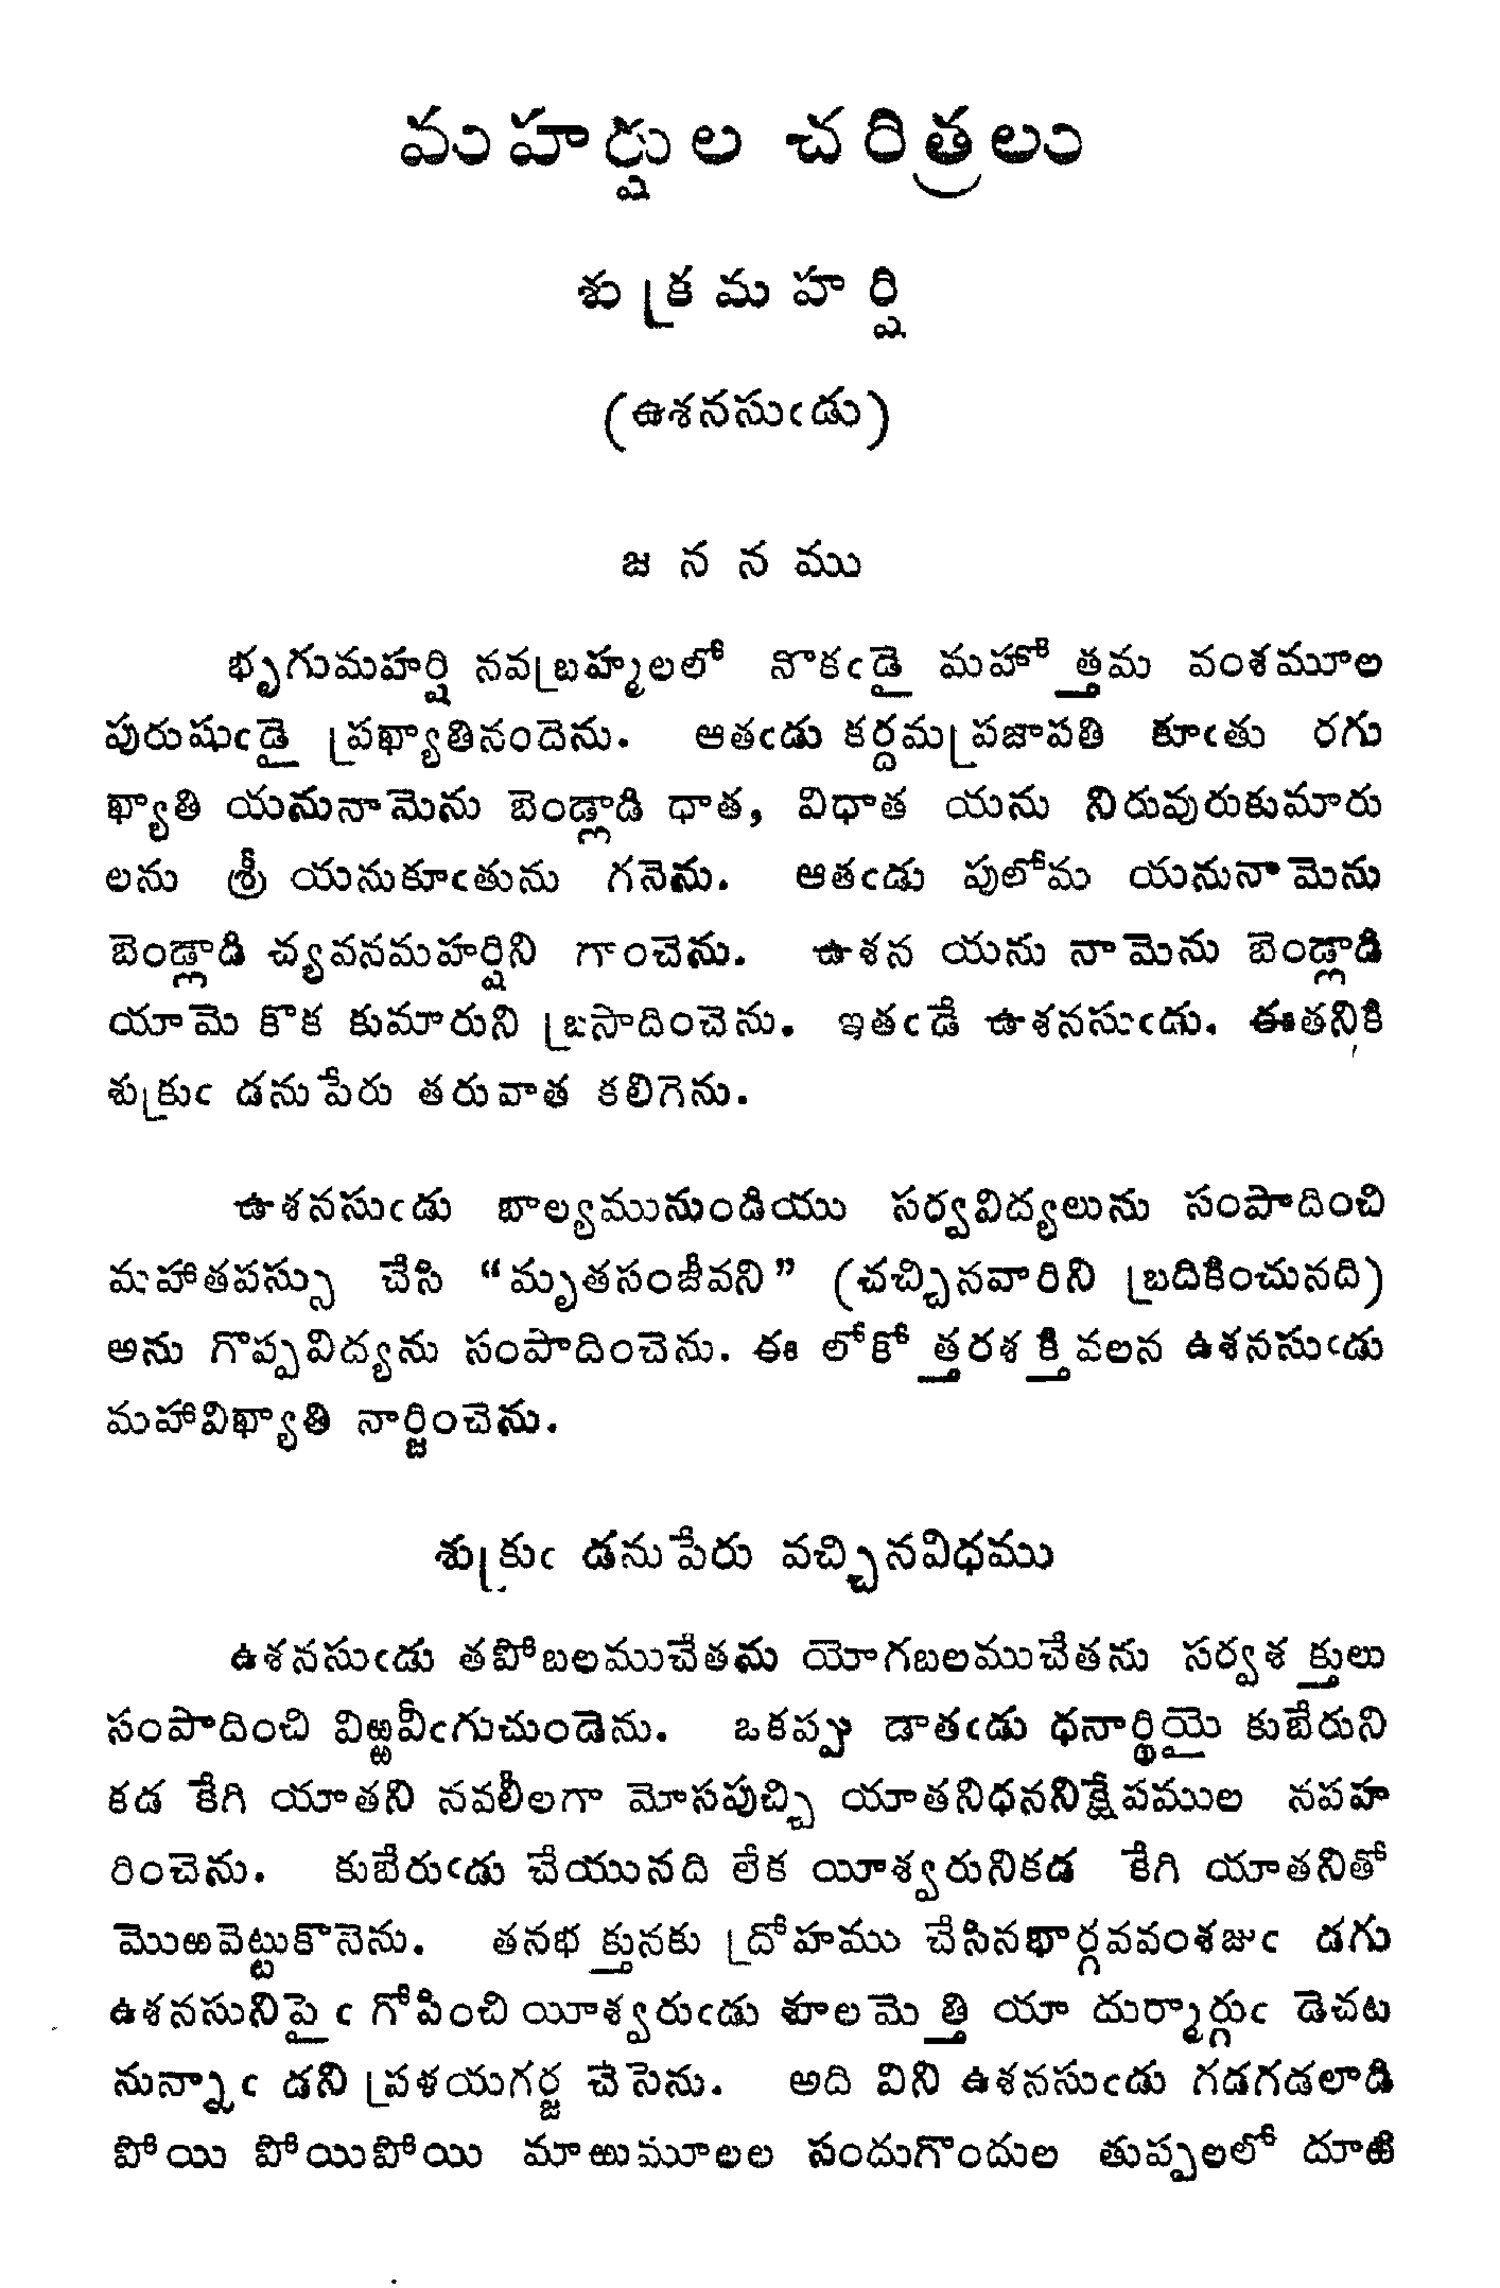మహర్షుల చరిత్రలు

శుక్రమహర్షి 

(ఉశనసుఁడు)

జననము 

భృగుమహర్షి నవబ్రహ్మలలో నొకఁడై మహో త్తమ వంశమూల పురుషుఁడై ప్రఖ్యాతినందెను. ఆతఁడు కర్దమప్రజాపతి కూఁతు రగు ఖ్యాతి యనునామెను బెండ్లాడి ధాత, విధాత యను నిరువురుకుమారులను శ్రీ యనుకూఁతును గనెను. ఆతఁడు పులోమ యనునామెను బెండ్లాడి చ్యవనమహర్షిని గాంచెను. ఉశన యను నామెను బెండ్లాడి యామె కొక కుమారుని జ్రసాదించెను. ఇతఁడే ఉశనసుఁడు. ఈతనికి శుక్రుఁ డనుపేరు తరువాత కలిగెను.

ఉశనసుఁడు బాల్యమునుండియు సర్వవిద్యలును సంపాదించి మహాతపస్సు చేసి “మృతసంజీవని" (చచ్చినవారిని బ్రదికించునది) అను గొప్పవిద్యను సంపాదించెను. ఈ లోకోత్తరశక్తి వలన ఉశనసుఁడు మహావిఖ్యాతి నార్జించెను.

శుక్రుఁ డను పేరు వచ్చినవిధము 

ఉశనసుఁడు తపోబలముచేతను యోగబలముచేతను సర్వశక్తులు సంపాదించి విఱ్ఱవీఁగుచుండెను. ఒకప్పు డాతఁడు ధనార్థియై కుబేరుని కడ కేగి యాతని నవలీలగా మోసపుచ్చి యాతనిధననిక్షేపముల నపహరించెను. కుబేరుఁడు చేయునది లేక యీశ్వరునికడ కేగి యాతనితో మొఱపెట్టుకొనెను. తనభ క్తునకు ద్రోహము చేసిన భార్గవవంశజుఁ డగు ఉశనసునిపైఁ గోపించి యీశ్వరుఁడు శూలమెత్తి యా దుర్మార్గుఁ డెచట నున్నాఁ డని ప్రళయగర్జ చేసెను. అది విని ఉశనసుఁడు గడగడలాడిపోయి పోయిపోయి మాఱుమూలల సందుగొందుల తుప్పలలో దూఱి